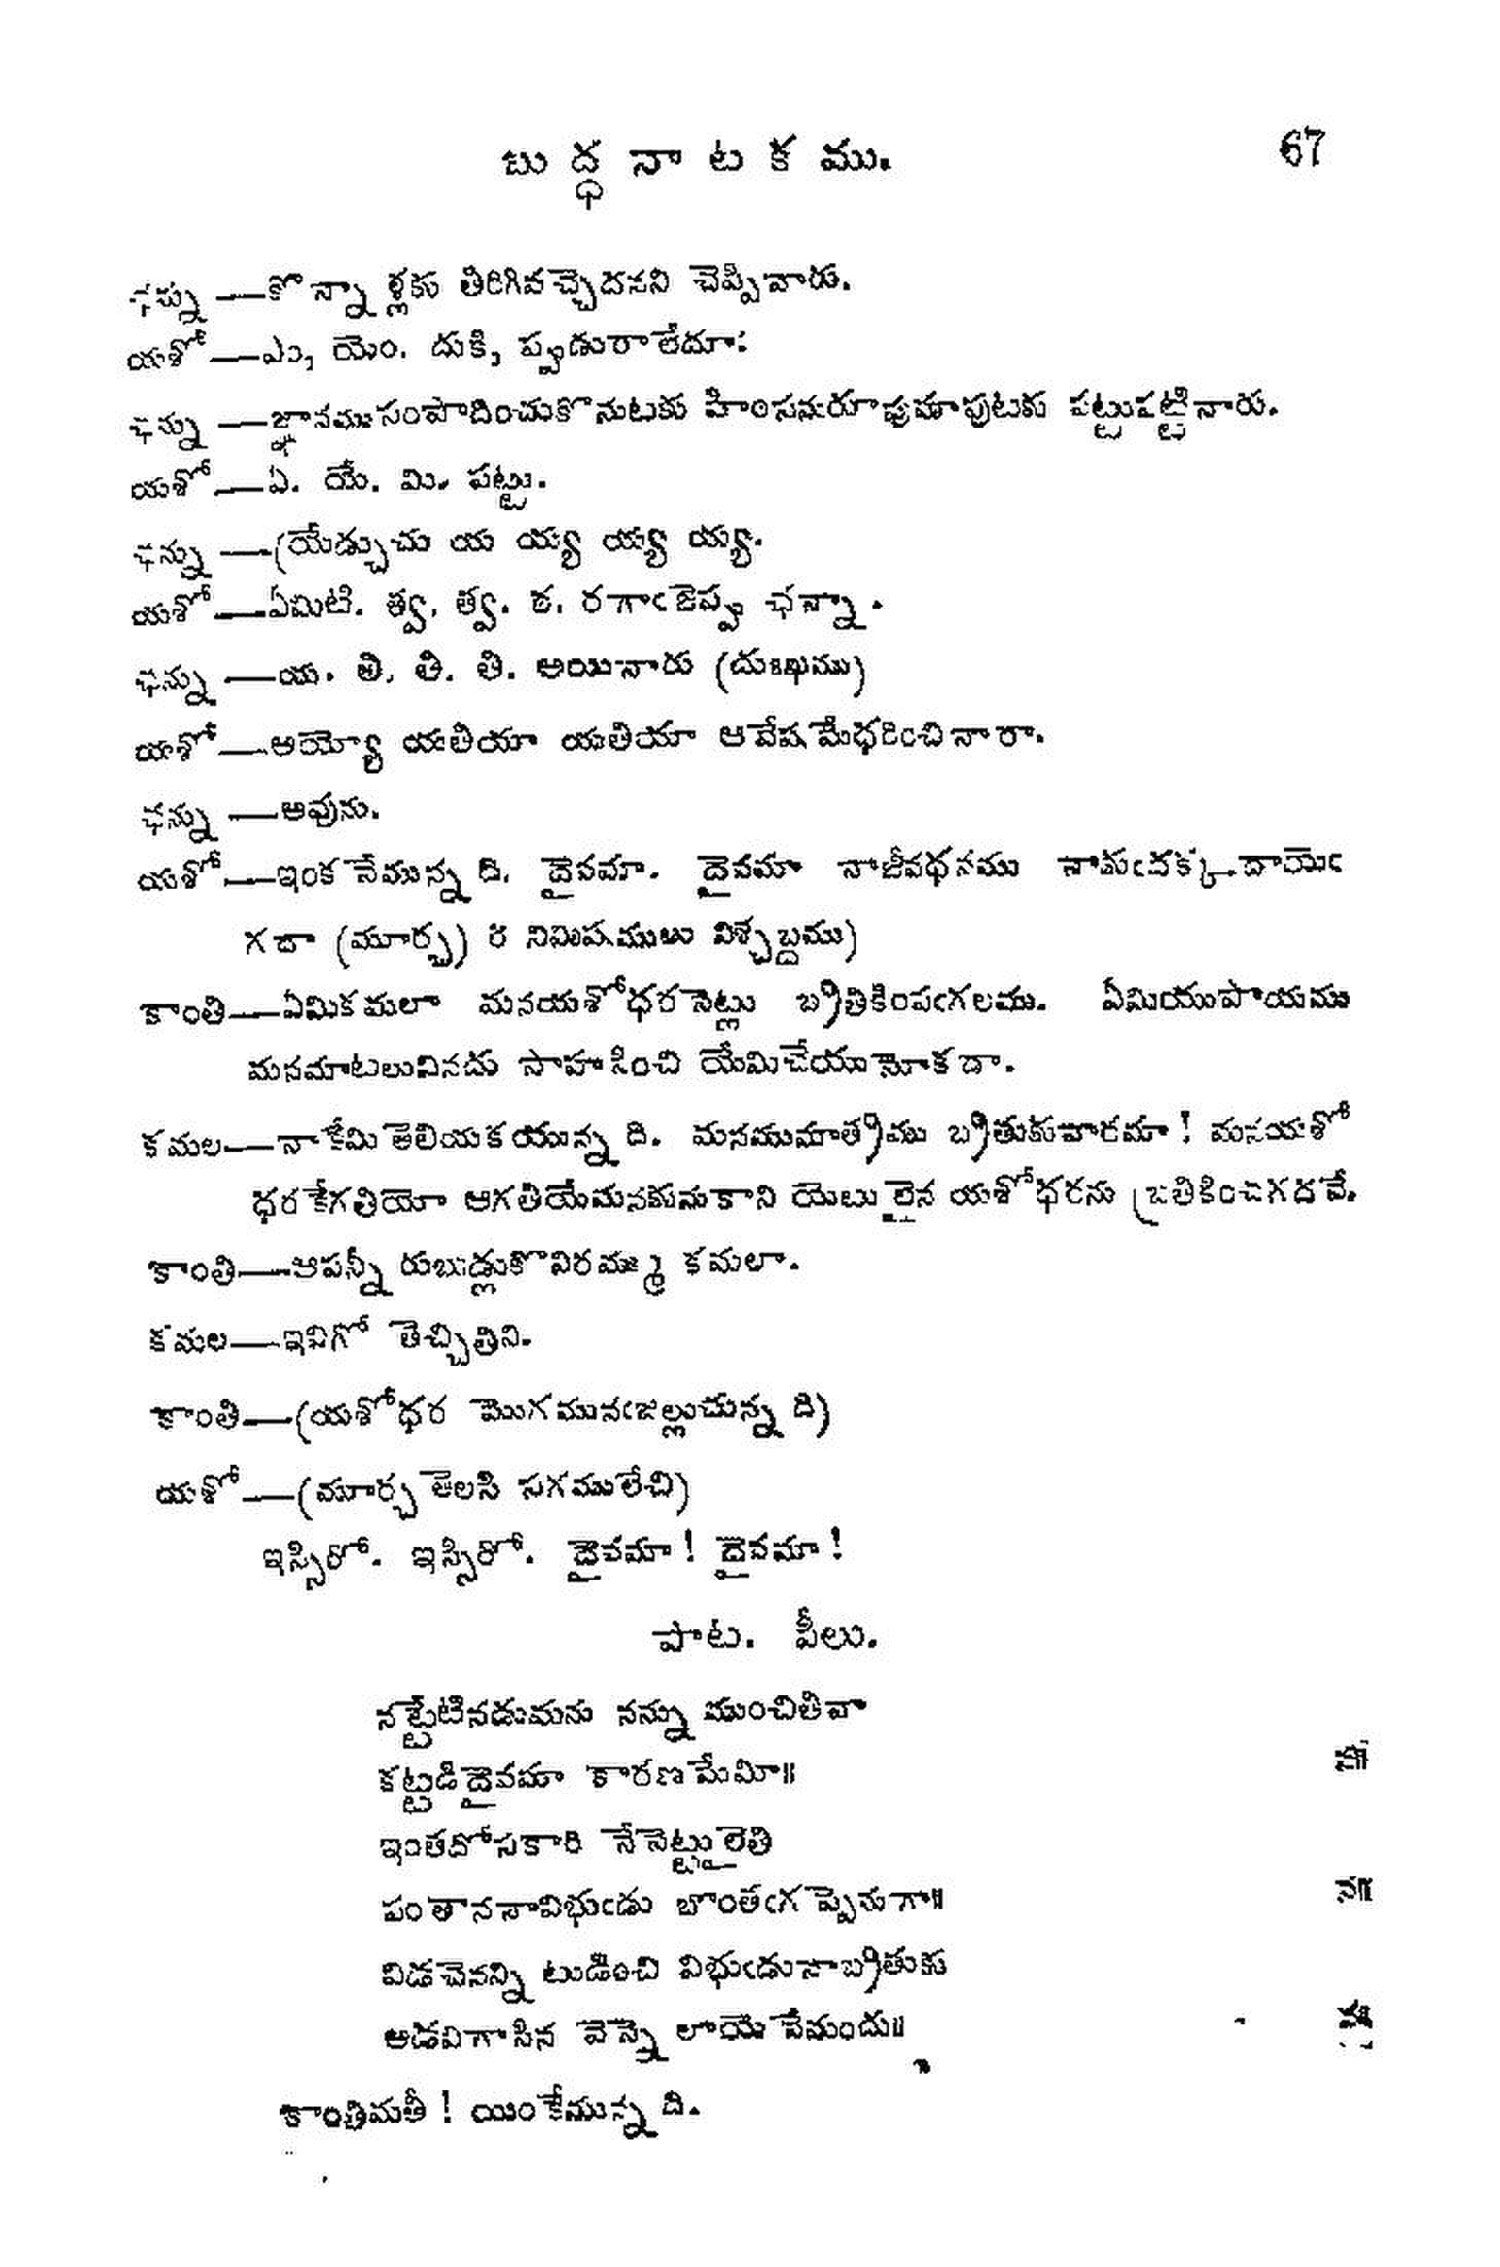ఛన్ను - కొన్నాళ్లకు తిరిగివచ్చెదనని చెప్పినారు.

యశో — ఎం, యెం. దుకి, ప్పుడురాలేదూ:

ఛన్ను - జ్ఞానము సంపాదించుకొనుటకు హింసనురూపుమాపుటకు పట్టుపట్టినారు.

యశో — ఏ. యే. మి. పట్టు.

ఛన్ను - (యేడ్చుచు య య్య య్య య్య.

యశో - ఏమిటి. శ్వ, త్వ. ర. రగాఁజెప్పు ఛన్నా.

ఛన్ను - య. తి. తి. తి. అయినారు (దుఃఖము)

యశో — అయ్యో యతియా యతియా ఆవేషమేధరించినారా.

ఛన్ను - అవును. 

యశో - ఇంకనేమున్నది. దైవమా దైవమా నాజీవధనము నాకుఁదక్కదాయెఁ గదా (మూర్చ) 8 నిమిషములు విశ్చబ్దము)

కాంతి - ఏమికమలా మనయశోధర నెట్లు బ్రతికింపఁగలము. ఏమియుపాయము మనమాటలువినదు సాహసించి యేమిచేయుమోకదా.

కమల - నాకేమి తెలియకయున్నది. మనముమాత్రము బ్రతుకువారమా! మనయశోధరకేగతియో ఆగతియేమనకునుకాని యెటులైన యశోధరను బ్రతికించినదవే.

కాంతి - ఆపన్నీరు బుడ్లుకొనిరమ్ము కమలా.

కమల - ఇవిగో తెచ్చితిని.

కాంతి — (యశోధర మొగమునఁజల్లుచున్నది)

యశో — (మూర్ఛ తెలసి సగములేచి)
ఇస్సిరో. ఇస్సీరో. దైవమా! దైవమా!

నట్టేటినడుమను నన్ను ముంచితివా
కట్టడిదైవమా కారణమేమీ॥ ॥న॥
ఇంతదోసకారి నేనెట్టులైతి
పంతాననావిభుఁడు బొంతఁగప్పెనుగా॥ ॥న॥ 
విడచెనన్ని టుడించి విభుఁడునాబ్రతుకు
అడవిగాసిన వెన్నె లాయెనేమందు॥ ॥న॥ 

కాంతిమతీ ! యింకేమున్నది.